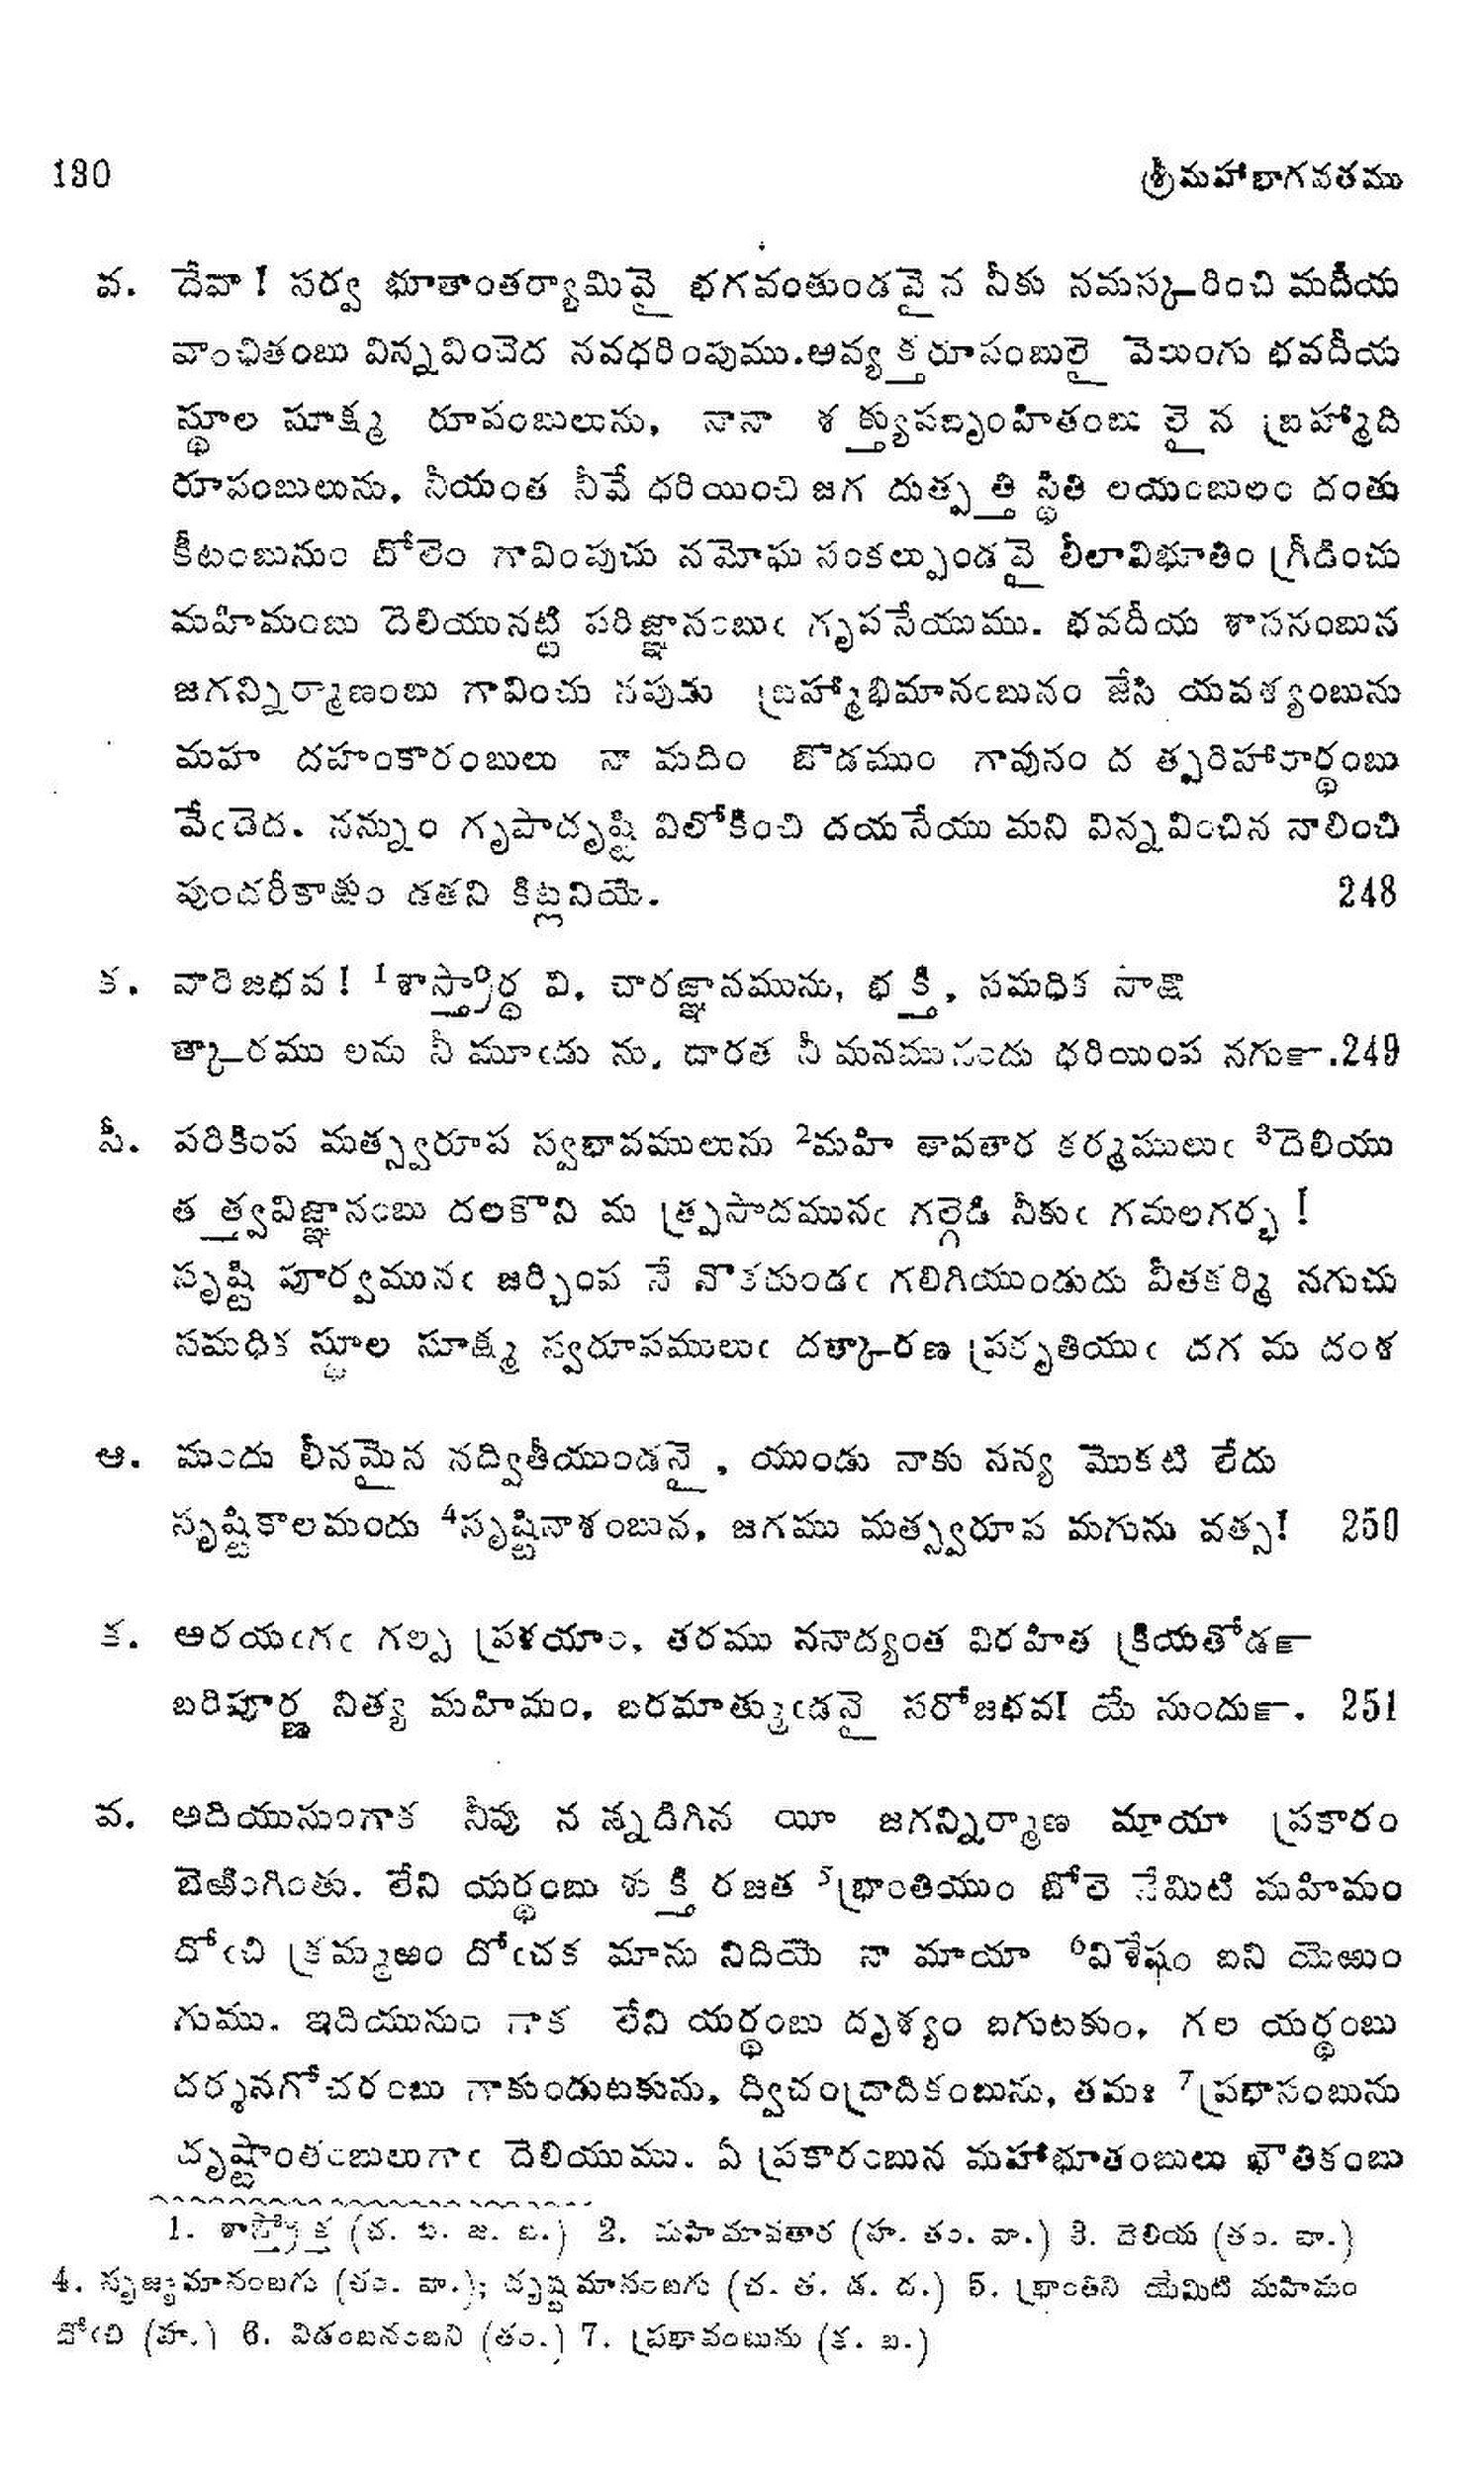130

వ. దేవా! సర్వ భూతాంతర్యామివై భగవంతుండవైన నీకు నమస్కరించి మదీయ వాంఛితంబు విన్నవించెద నవధరింపుము. అవ్యక్తరూపంబులై వెలుంగు భవదీయ స్థూల సూక్ష రూపంబులును, నానా 

శక్త్యుపబృంహితంబు లైన బ్రహ్మాదిరూపంబులును, నీయంత నీవే ధరియించి జగ దుత్పత్తి స్థితి లయంబులం దంతుకీటంబునుం బోలెం గావింపుచు నమోఘ సంకల్పుండవై లీలావిభూతిం గ్రీడించు 

మహిమంబు దెలియునట్టి పరిజ్ఞానంబుఁ గృపసేయుము. భవదీయ శాసనంబున జగన్నిర్మాణంబు గావించు నపుడు బ్రహ్మాభిమానంబునం జేసి యవశ్యంబును మహ దహంకారంబులు నా మదిం 

బొడముం గావునం దత్పరిహారార్ధంబు వేఁడెద. నన్నుం గృపాదృష్టి విలోకించి దయసేయు మని విన్నవించిన నాలించి పుండరీకాక్షుం డతని కిట్లనియె. (248)

క. వారిజభవ ! శాస్తార్ధవి, చారజ్ఞానమును, భక్తి, సమధిక సాక్షాత్కారము

లను నీ మూఁడు ను, దాతర నీ మనమునందు ధరియింప నగున్. (249)

సీ. పరికింప మత్స్వరూప స్వభావములును మహి తావతార కర్మములుఁ దెలియు

తత్త్వవిజ్ఞానంబు దలకొని మత్ర్పసాదమునఁ గల్గెడి నీకుఁ గమలగర్భ!

సృష్టి పూర్వమునఁ జర్చింప నే నొకరుండఁ గలిగియుండుదు వీతకర్మి నగుచు

సమధిక స్థూల సూక్ష్మ స్వరూపములుఁ దత్కారణ ప్రకృతియుఁ దగ మ దంశ

ఆ. మందు లీనమైన నద్వితీయుండనై, యుండు నాకు నన్య మొకటి లేదు

సృష్టికాలమందు సృష్టినాశంబున, జగము మత్స్యరూప మగును వత్స! (250)

క. అరయఁగఁ గల్ప ప్రళాయం. తరము ననాద్యంత విరహిత క్రియతోడన్

బరిపూర్ణ నిత్య మహిమం, బరమాత్ముఁడనై సరోజభవ ! యే నుందున్. (251)

వ. అదియునుంగాక నీవు న న్నడిగిన యీ జగన్నిర్మాణ మాయా ప్రకారం బెఱింగింతు. లేని యర్థంబు శుక్తి రజత భ్రాంతియుం బోలె నేమిటి మహిమం దోఁచి క్రమ్మఱం దోఁచక మాను నిదియె నా మాయా విశేషం బని యెఱుంగుము. ఇదియునుం గాక లేని యర్థంబు దృశ్యం బగుటకుం, గల యర్థంబు దర్శనగోచరంబు గాకుండుటకును, ద్విచంద్రాదికంబును, తమః ప్రభాసంబును దృష్టాంతంబులుగాఁ దెలియుము. ఏ ప్రకారంబున మహాభూతంబులు భౌతికంబు